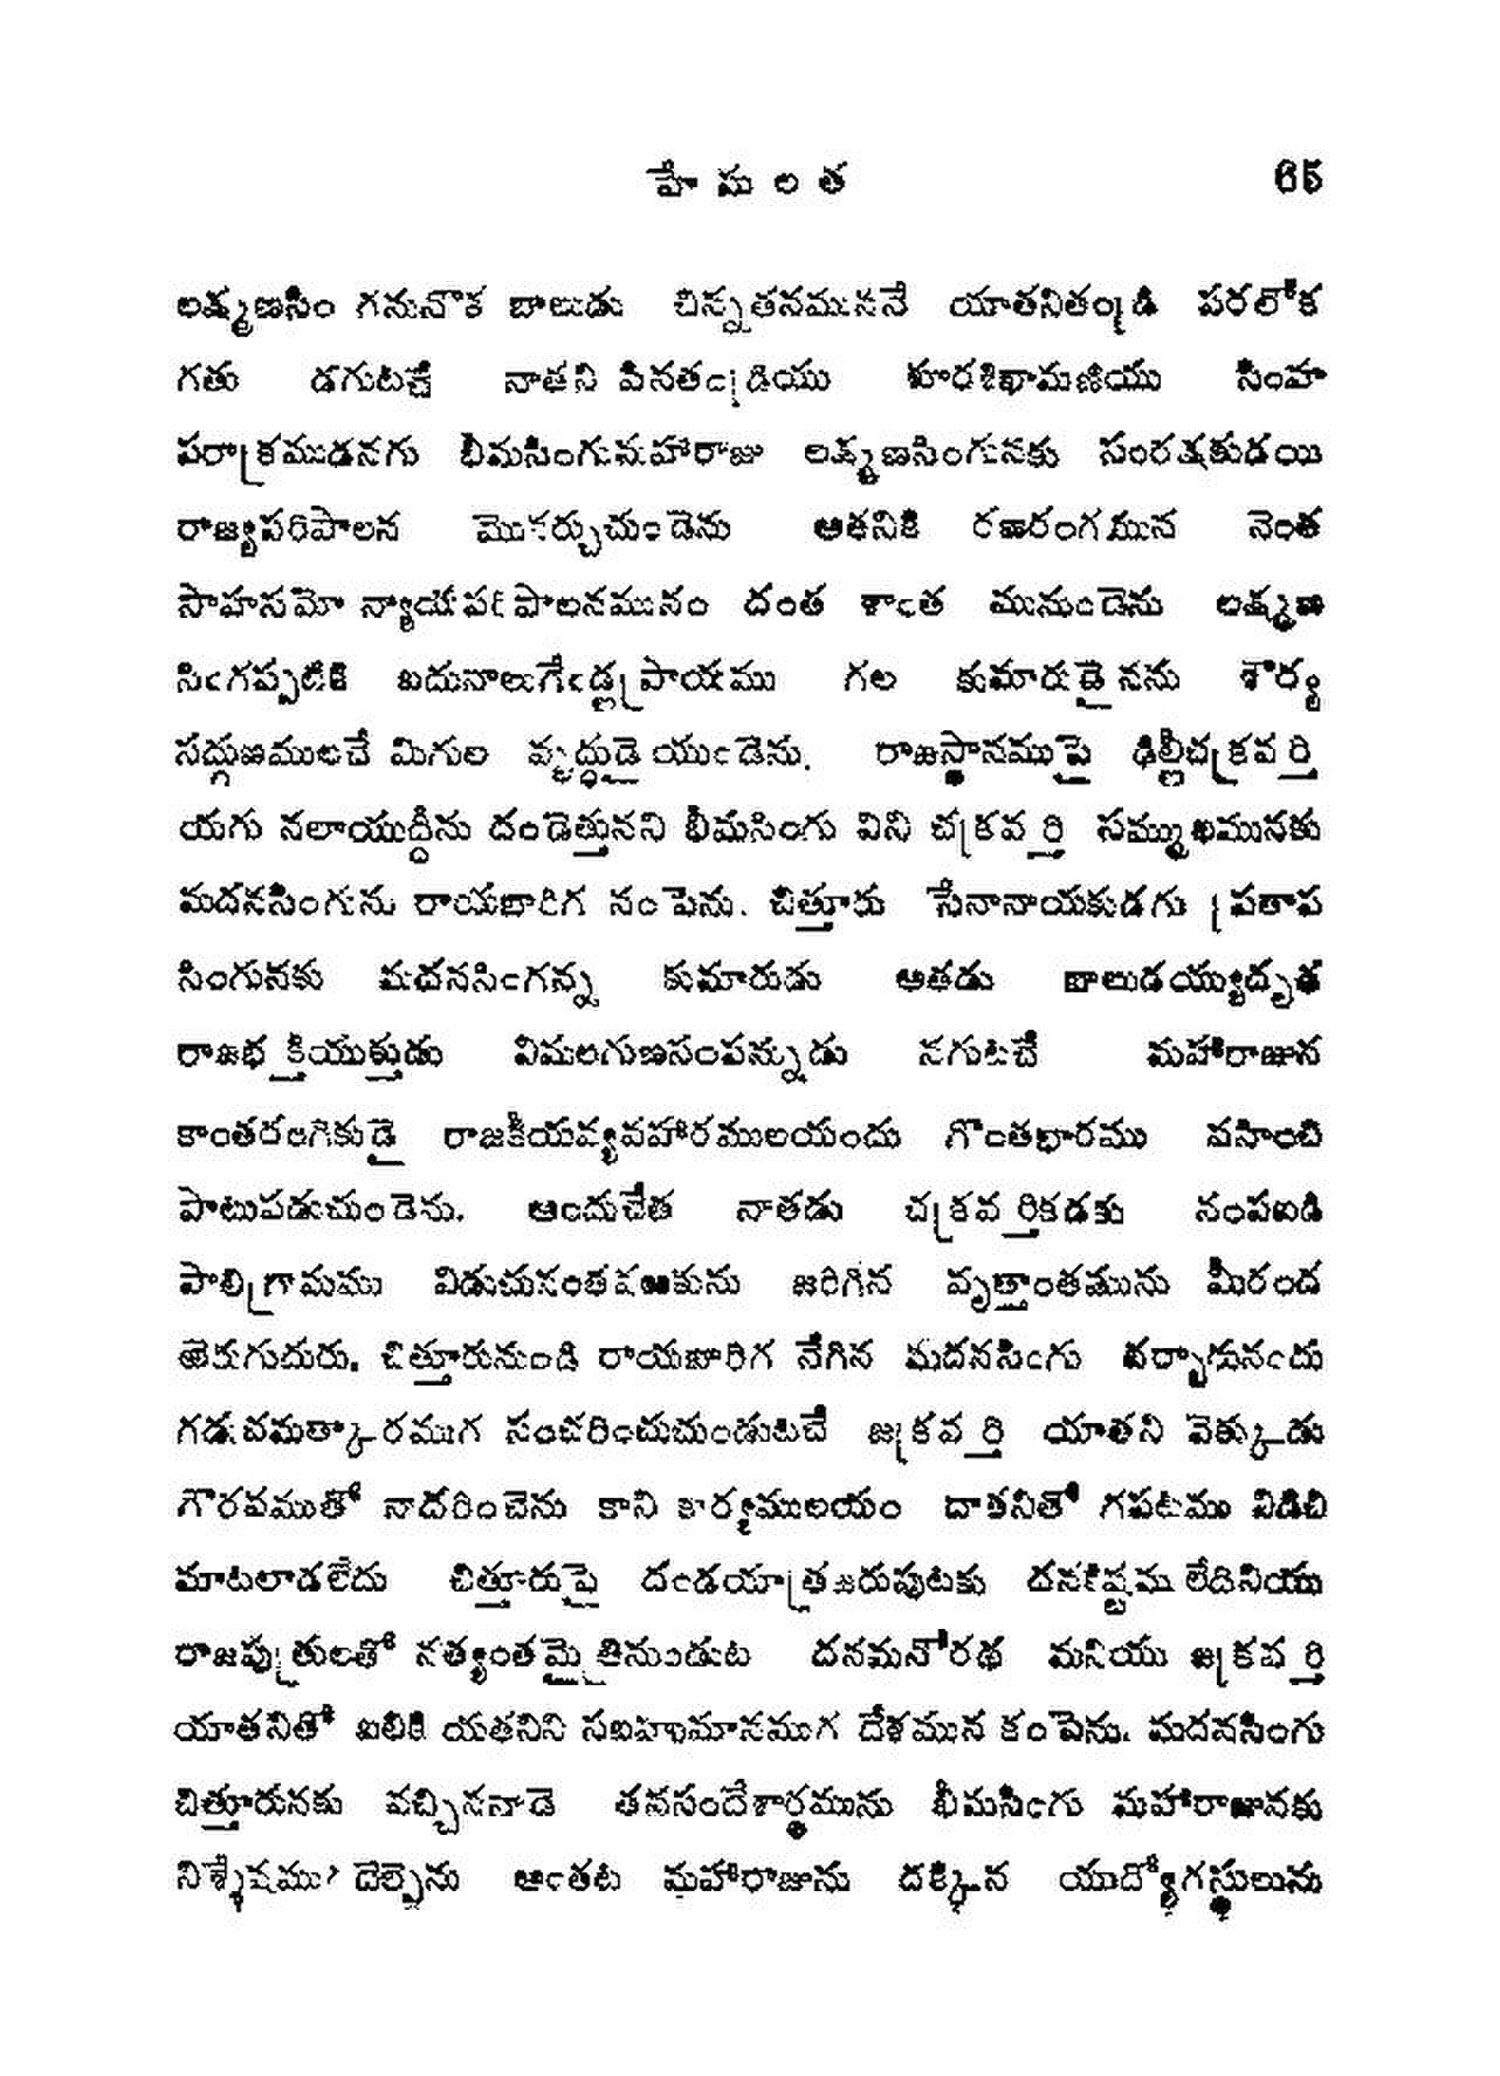లక్ష్మణసిం గనునొక బాలుడు చిన్నతనముననే యాతని తండ్రి పరలోకగతు డగుటచే నాతని పినతండ్రియు శూరశిఖామణియు సింహపరాక్రముడనగు భీమసింగుమహారాజు లక్ష్మణసింగునకు సంరక్షుడయి రాజ్యపరిపాలన మొనర్చుచుండెను. అతనికి రణరంగమున నెంత సాహసమో న్యాయపరిపాలనమునం దంత శాంతమునుండెను. లక్ష్మణ సింగుప్పటికి బదునాలుగేండ్ల ప్రాయము గల కుమారుడైనను శౌర్య సద్గుణములచే మిగుల వృద్ధుడైయుండెను. రాజాస్థానముపై ఢిల్లీచక్రవర్తి యగు నలాయుద్దీను దండెత్తునని భీమసింగు విని చక్రవర్తి సమ్మతమునకు మదనసింగును రాయబారిగ నంపెను. చిత్తూరు సేనా నాయకుడగు ప్రతాపసింగునకు మదనసింగన్న కుమారుడు. అతడు బాలుడయ్యుదృత రాజభక్తియుక్తుడు విమలగుణ సంపన్నుడు నగుటచే మహారాజున కాంతరంగికుడై రాజకీయవ్యవహారములయందు గొంతభారము వహించి పాటుపడుచుండెను. అందుచేత నాతడు చక్రవర్తికడకు పంపబడి సాలిగ్రామము విడుచునంత వఱకును జరిగిన వృత్తాంతమును మీరందఱెరు గుదురు. చిత్తూరు నుండి రాయబారిగ నేగిన మదన సింగు దర్బారునందు గడుచమత్కారముగ సంచరించుచుండుటచే జక్రవర్తి యాతని నెక్కుడు గౌరవముతో నాదరించెను కాని కార్యములయం దాతనితో గపటము విడిచి మాటలాడలేదు. చిత్తూరుపై దండయాత్రజరుపుటకు దనకిష్టము లేదనియు రాజపుత్రులతో నత్యంతమైత్రినుండుట దన మనోరథ మనియు జక్రవర్తి యాతనితో బలికి యతనిని సబహుమానముగ దేశమున కంపెను. మదనసింగు చిత్తూరునకు వచ్చిననాడె తనసందేశార్థమును భీమసింగు మహారాజునకు నిశ్శేషముగ దెల్పెను. అంతట మహారాజును దక్కిన యుద్యోగస్థులును